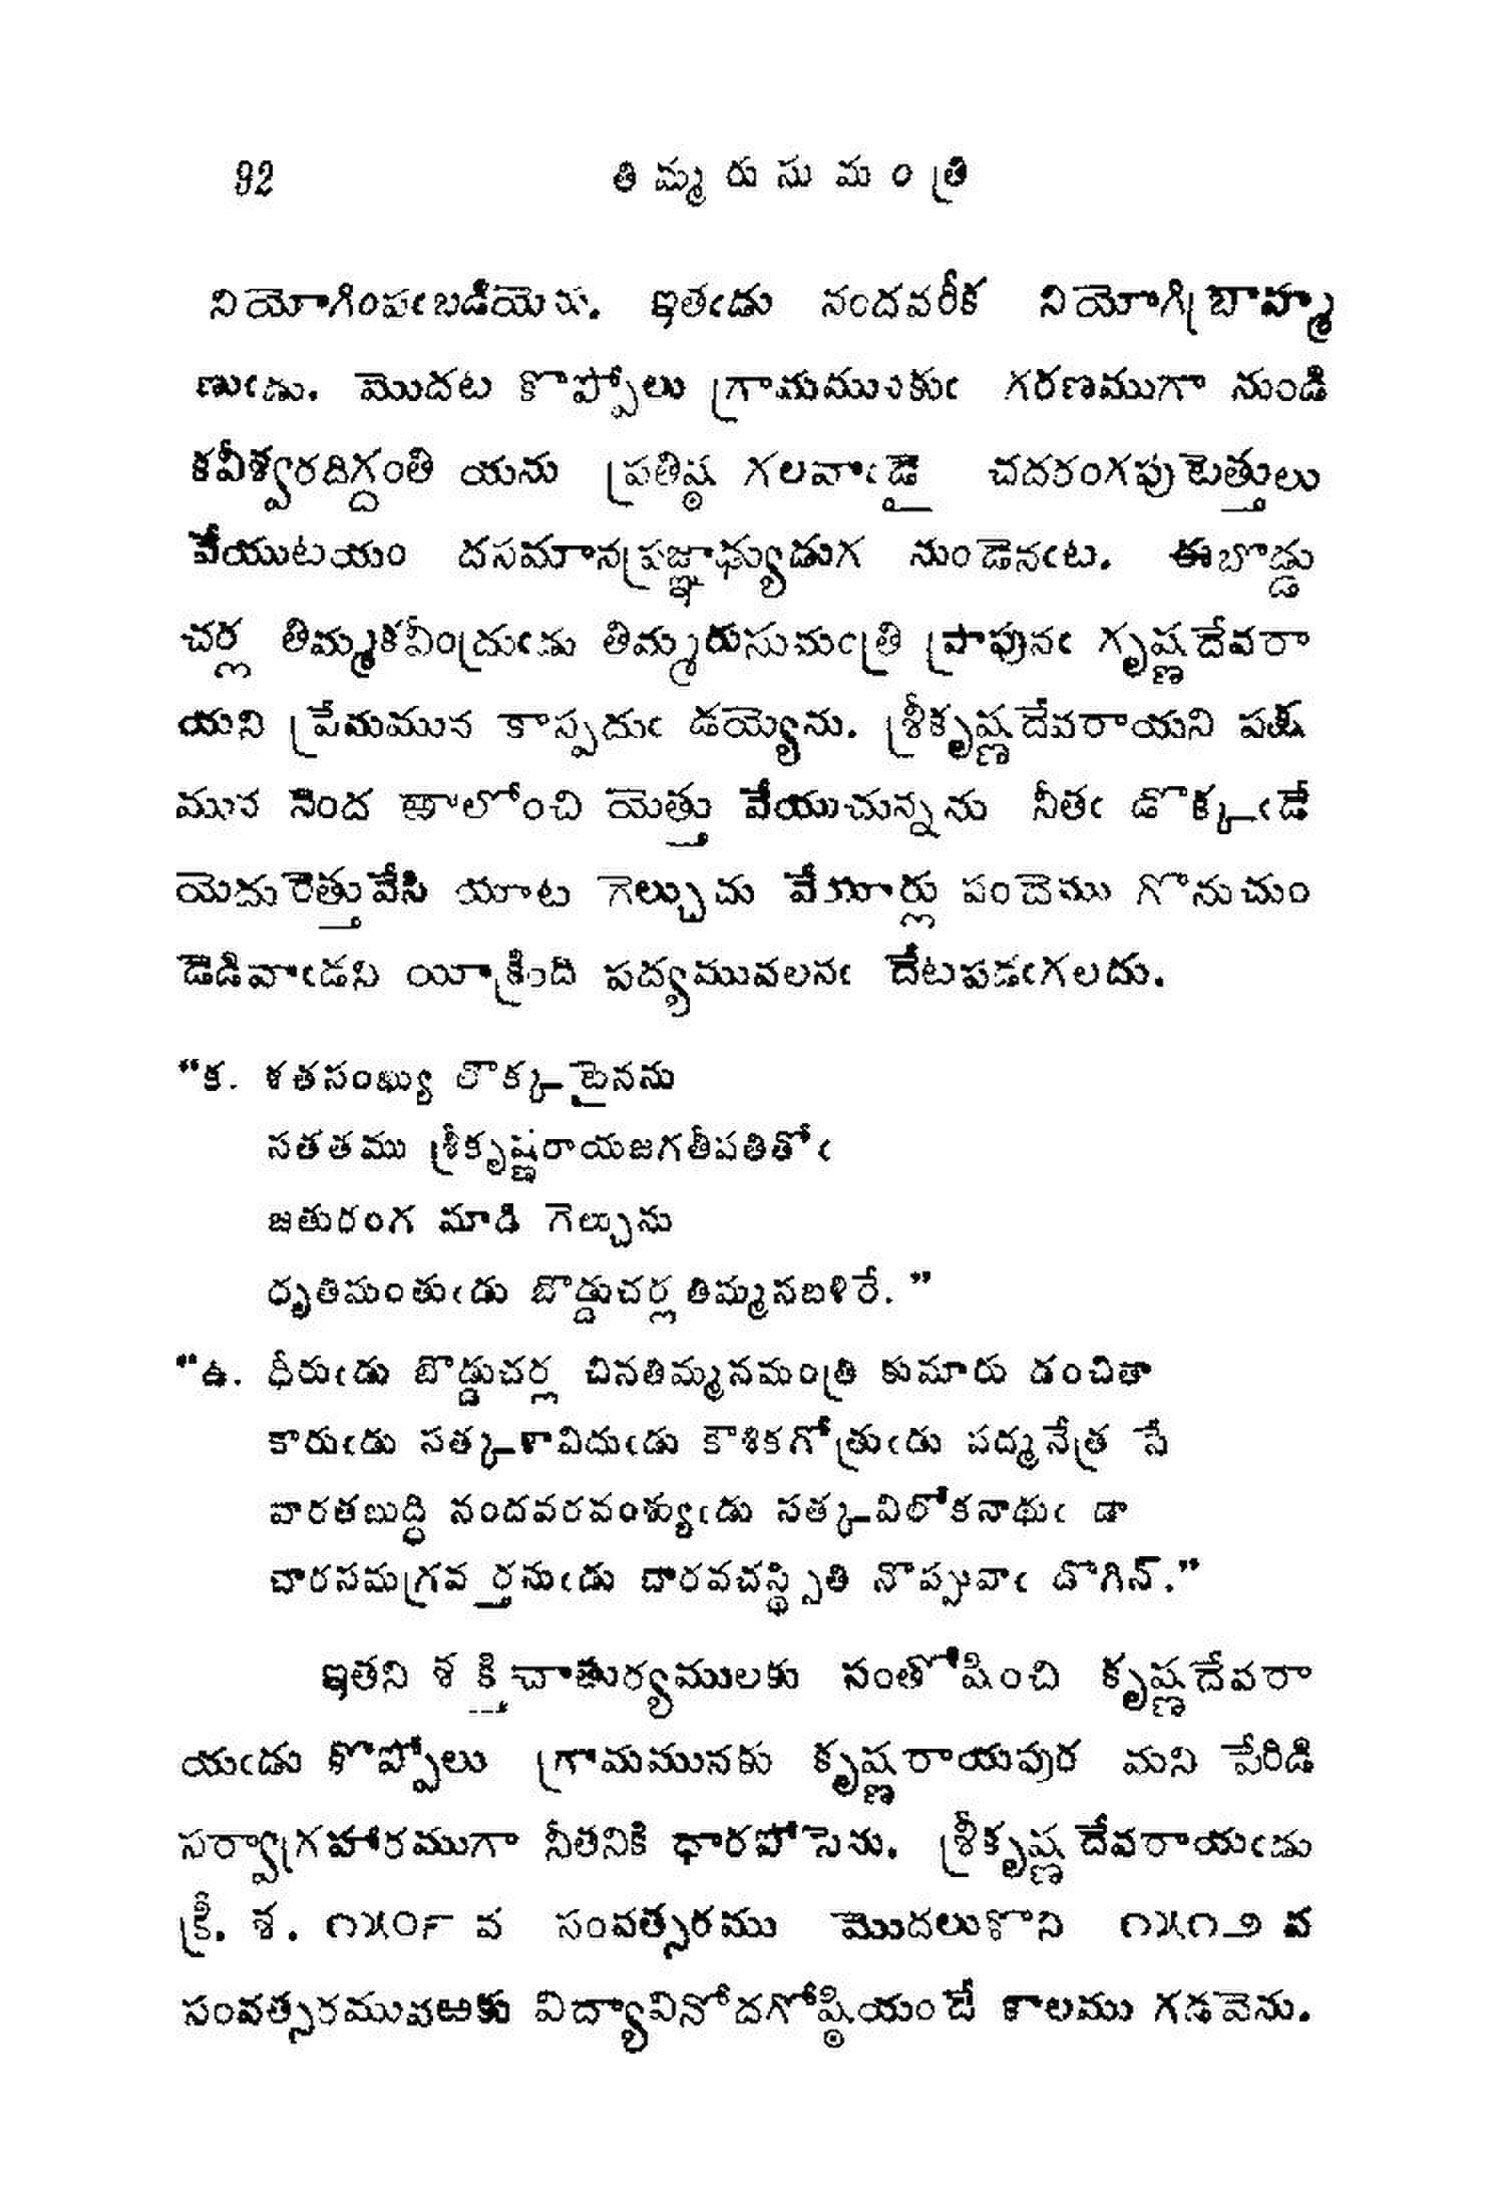నియోగింపఁబడియెను. ఇతఁడు నందవరీక నియోగిబ్రాహ్మణుఁడు. మొదట కొప్పోలు గ్రామమునకుఁ గరణముగా నుండి కవీశ్వరదిగ్ధంతి యను ప్రతిష్ఠ గలవాఁడై చదరంగపుటెత్తులు వేయుటయం దసమానప్రజ్ఞాఢ్యుడుగ నుండెనఁట. ఈబొడ్డుచర్ల తిమ్మకవీంద్రుఁడు తిమ్మరుసుమంత్రి ప్రాఫునఁ గృష్ణదేవరాయని ప్రేమమున కాస్పదుఁ డయ్యెను. శ్రీకృష్ణదేవరాయని పక్షమున నెంద ఱాలోచించి యెత్తు వేయుచున్నను నీతఁ డొక్కఁడే
యెదురెత్తువేసి యాట గెల్చుచు వేయార్లు పందెము గొనుచుండెడివాఁడని యీక్రింది పద్యమువలనఁ దేటపడఁగలదు. 

"క. శతసంఖ్యు లొక్కటైనను
 సతతము శ్రీకృష్ణరాయజగతీపతితోఁ 
 జతురంగ మాడి గెల్చును
 ధృతిమంతుఁడు బొడ్డుచర్లతిమ్మనబళిరే." 

"ఉ. ధీరుఁడు బొడ్డుచర్ల చినతిమ్మనమంత్రి కుమారు డంచితా 
 కారుఁడు సత్కళావిదుఁడు కౌశికగోత్రుఁడు పద్మనేత్ర సే 
 వారతబుద్ధి నందవరవంశ్యుఁడు సత్కవిలోకనాథుఁ డా 
 చారసమగ్రవర్తనుఁడు చారవచస్థ్సితి నొప్పువాఁ డొగిన్."
ఇతని శక్తిచాతుర్యములకు సంతోషించి కృష్ణదేవరాయఁడు కొప్పోలు గ్రామమునకు కృష్ణరాయవుర మని పేరిడి సర్వాగ్రహారముగా నీతనికి ధారపోసెను. శ్రీకృష్ణదేవరాయఁడు క్రీ. శ. 1509 వ సంవత్సరము మొదలుకొని 1512 వ సంవత్సరమువఱకు విద్యావినోదగోష్ఠియందే కాలము గడపెను.